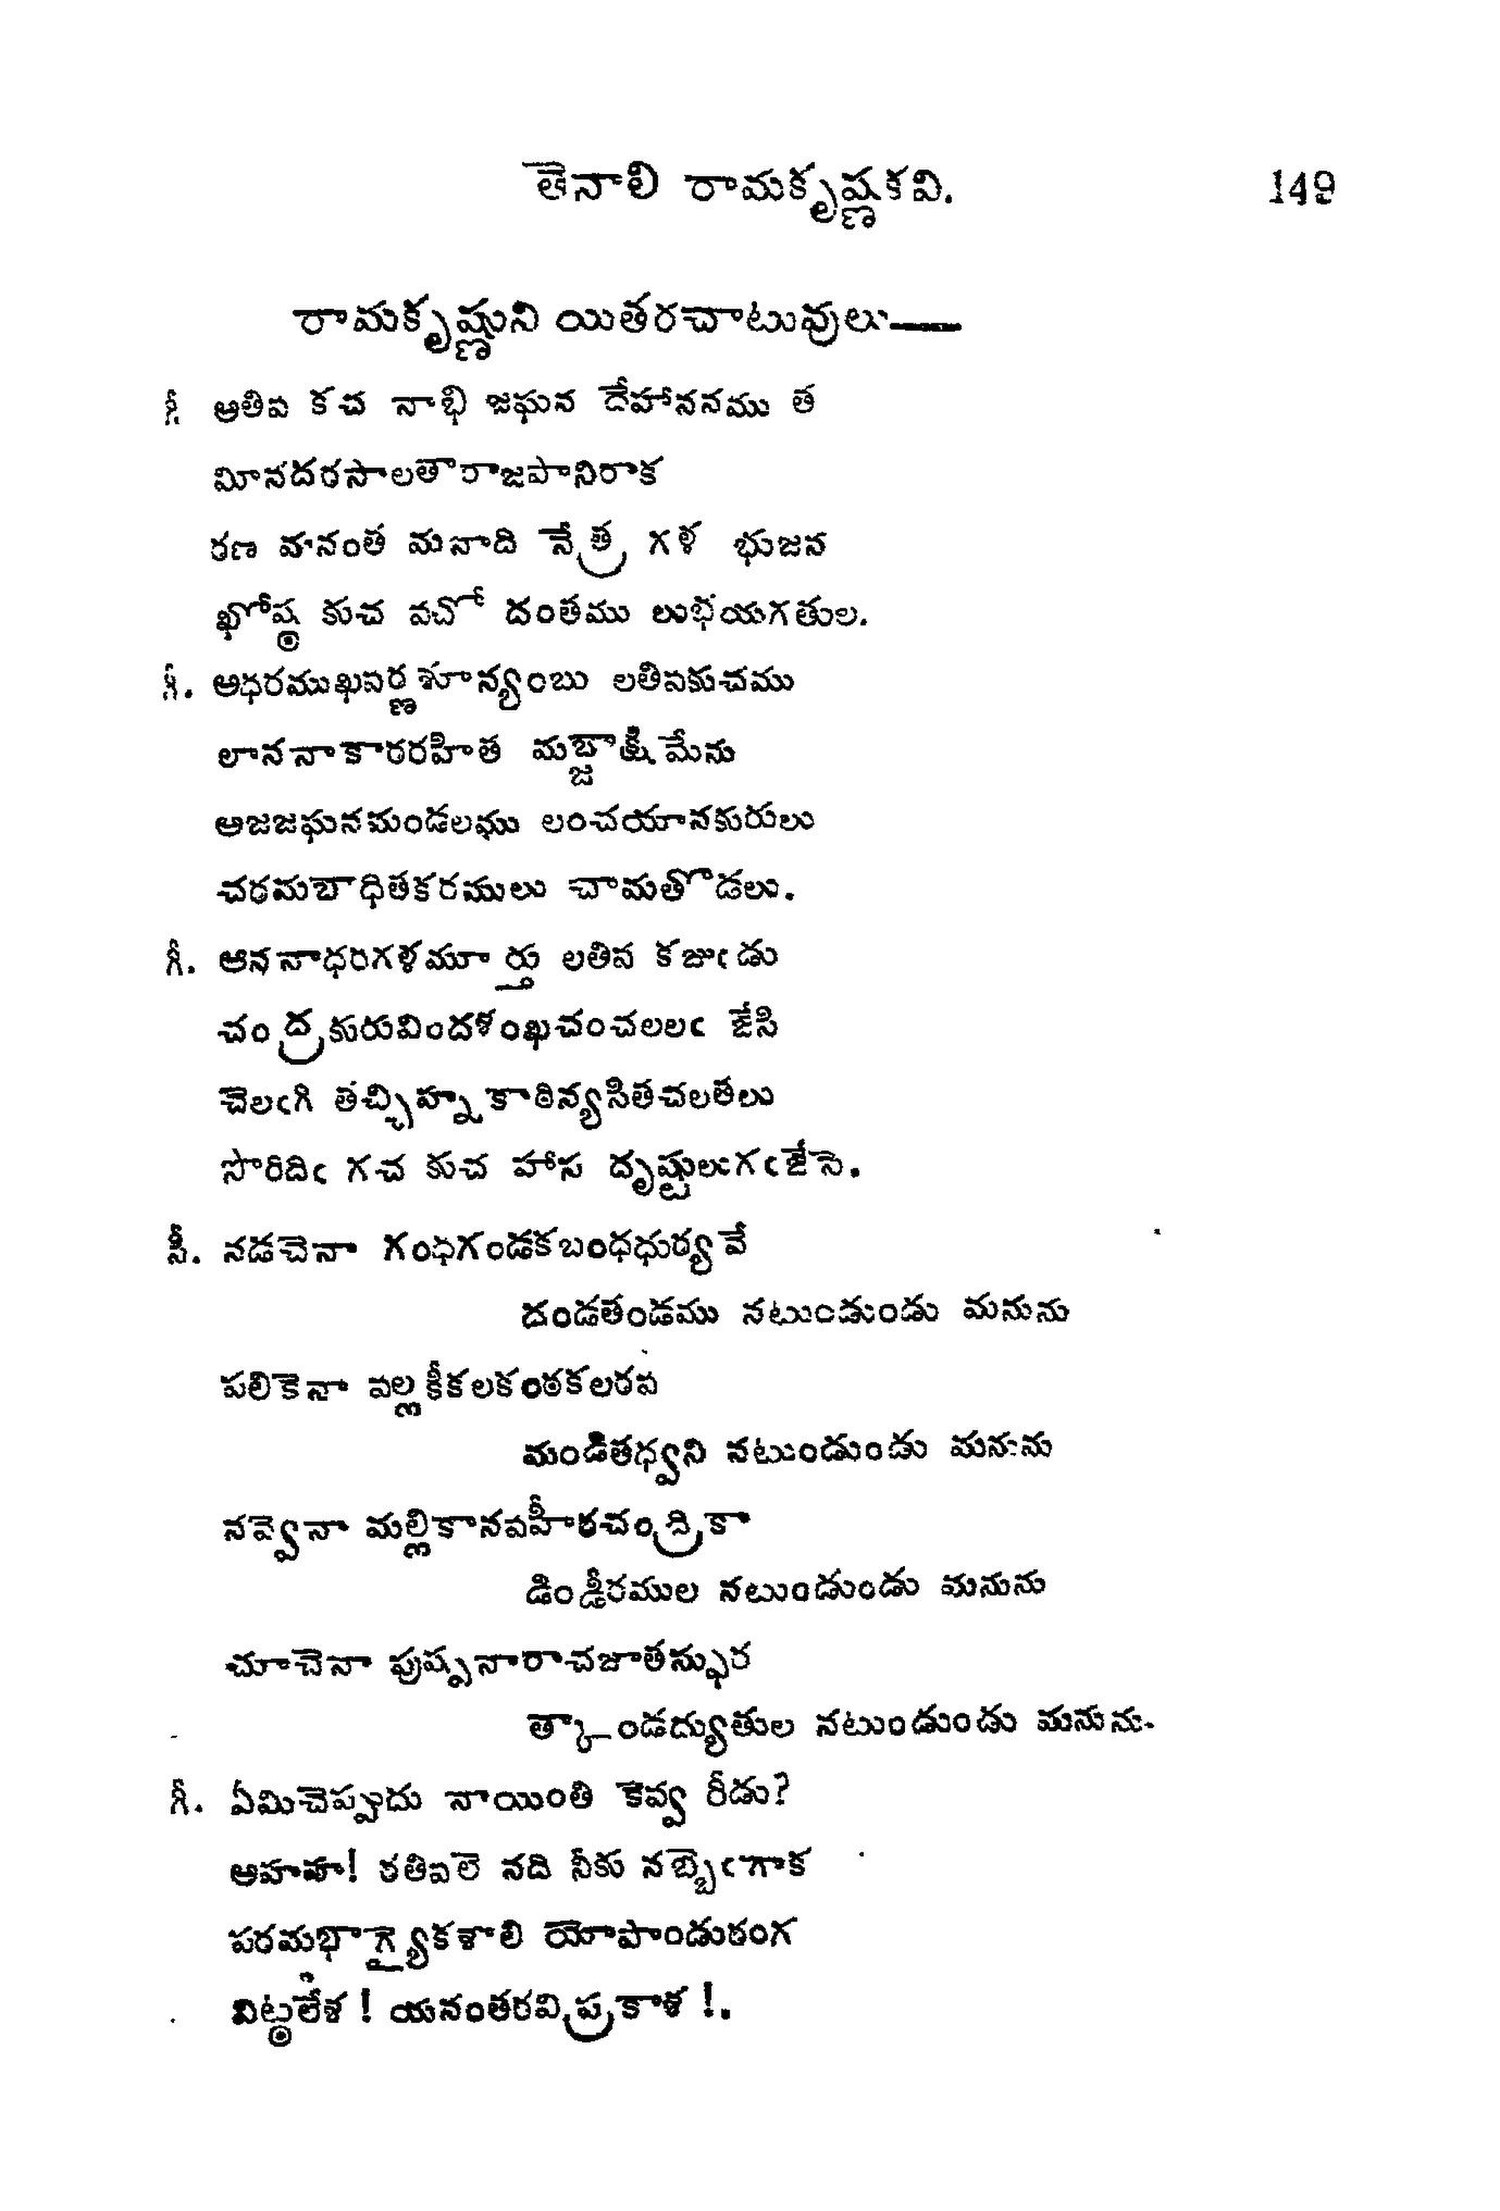రామకృష్ణుని ఇతర చాటువులు
గీ. అతివ కచ నాభి జఘన దేహాసనము త
 మీనదరసాలతారాజపానిరాక
 రణ మనంత మనాది నేత్ర గళ భుజన
 ఖోష్ఠ కుచ వచో దంతము లుభయగతుల.
గీ. అధరముఖవర్ణశూన్యంబు లతివకుచము
 లాననాకారరహిత మబ్జాక్షిమేను
 అజఘనమండలము లంచయానకురులు
 చరమబాధితకరములు చామతొడలు.
గీ. ఆననాధరగళమూర్తు లతివ కజుఁడు
 చంద్రకురువిందశంఖచంచలలఁ జేసి
 చెలఁగి తచ్చిహ్నకాఠిన్యసితచలతలు
 సొరిదిఁ గచ కుచ హాస దృష్టులుగఁ జేసె.
సీ. నడచెనా గంధగండకబంధధుర్యవే
 దండతండము నటుండుండు మనును
 పలికెనా పల్లకీకలకంఠకలరవ
 మండితధ్వని నటుండుండు మనును
 నవ్వెనా మల్లికానవహీరచంద్రికా
 డిండీరముల నటుండుండు మనును
 చూచెనా పుష్పనారాచజాతస్ఫుర
 త్కాండద్యుతుల నటుండుండు మనును
గీ. ఏమి చెప్పుదు నాయింతి కెవ్వ రీడు?
 అహహ! రతివలె నది నీకు నబ్బెఁగాక
 పరమభాగ్యైకశాలి యోపాండురంగ
 విట్ఠలేశ! యనంతరవిప్రకాశ!